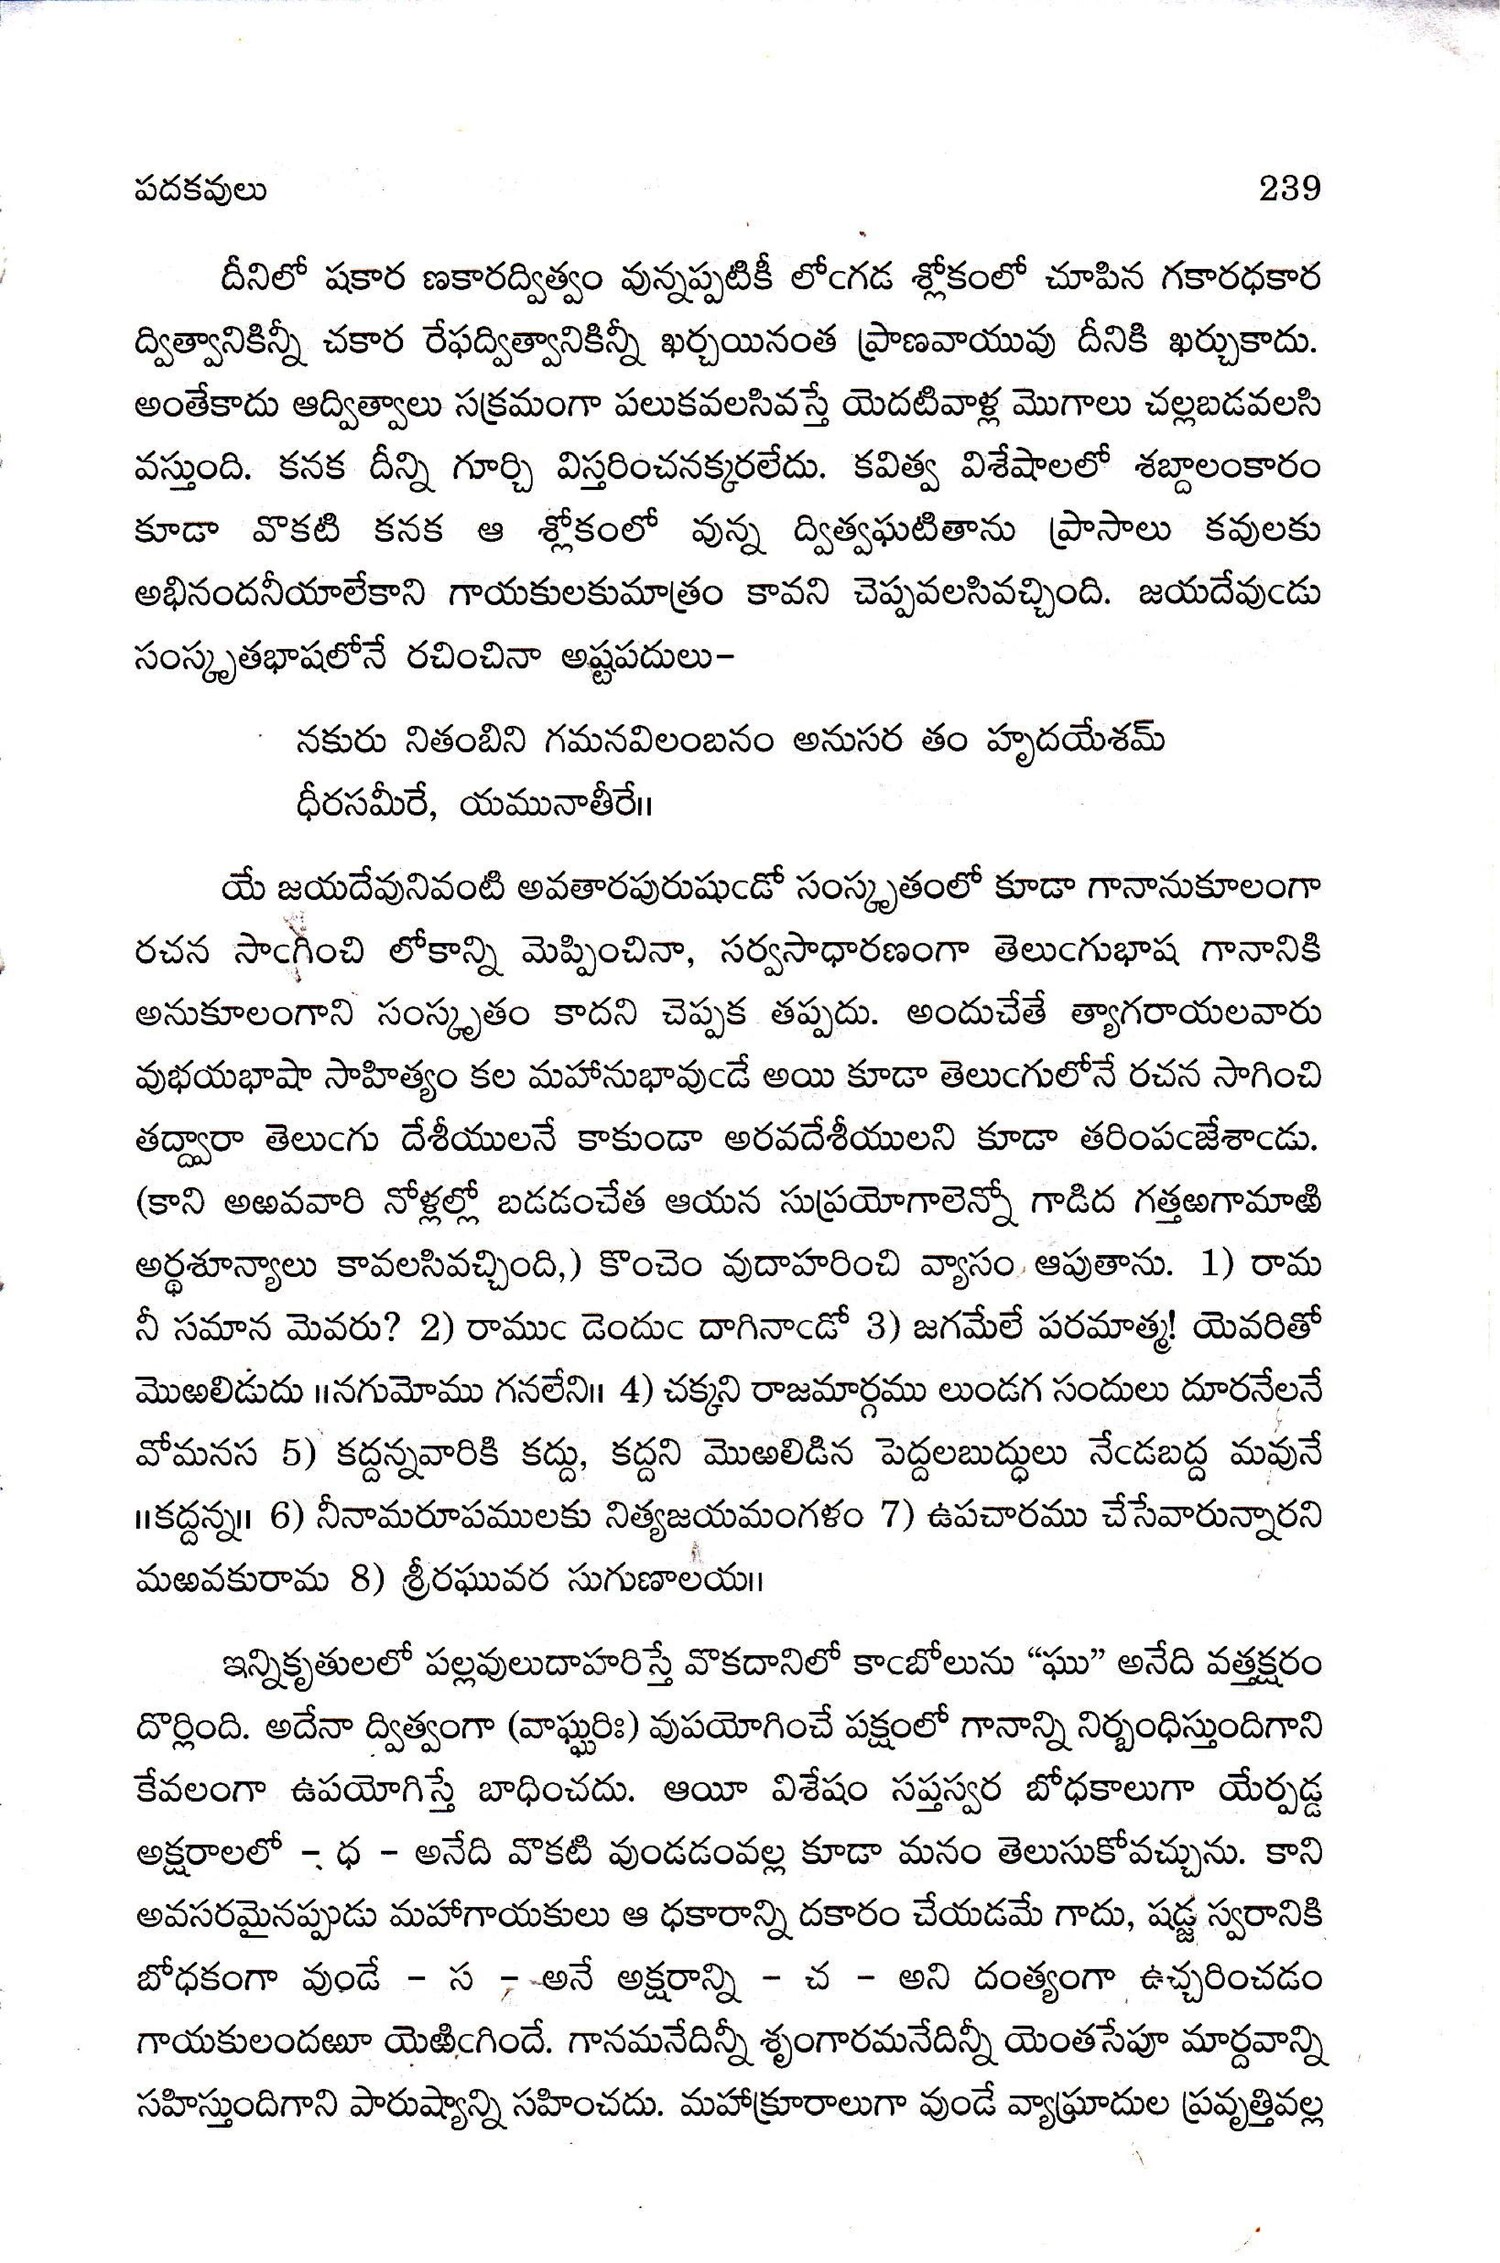దీనిలో షకార ణకారద్విత్వం వున్నప్పటికీ లోఁగడ శ్లోకంలో చూపిన గకారధకార ద్విత్వానికిన్నీ చకార రేఫద్విత్వానికిన్నీ ఖర్చయినంత ప్రాణవాయువు దీనికి ఖర్చుకాదు. అంతేకాదు ఆద్విత్వాలు సక్రమంగా పలుకవలసివస్తే యెదటివాళ్ల మొగాలు చల్లబడవలసి వస్తుంది. కనక దీన్ని గూర్చి విస్తరించనక్కరలేదు. కవిత్వ విశేషాలలో శబ్దాలంకారం కూడా వొకటి కనక ఆ శ్లోకంలో వున్న ద్విత్వఘటితాను ప్రాసాలు కవులకు అభినందనీయాలేకాని గాయకులకుమాత్రం కావని చెప్పవలసివచ్చింది. జయదేవుఁడు సంస్కృతభాషలోనే రచించినా అష్టపదులు- -

నకురు నితంబిని గమనవిలంబనం అనుసర తం హృదయేశమ్ ధీరసమీరే, యమునాతీరే||

యే జయదేవునివంటి అవతారపురుషుఁడో సంస్కృతంలో కూడా గానానుకూలంగా రచన సాగించి లోకాన్ని మెప్పించినా, సర్వసాధారణంగా తెలుఁగుభాష గానానికి అనుకూలంగాని సంస్కృతం కాదని చెప్పక తప్పదు. అందుచేతే త్యాగరాయలవారు వుభయభాషా సాహిత్యం కల మహానుభావుఁడే అయి కూడా తెలుఁగులోనే రచన సాగించి తద్ద్వారా తెలుఁగు దేశీయులనే కాకుండా అరవదేశీయులని కూడా తరింపఁజేశాcడు. (కాని అఱవవారి నోళ్లల్లో బడడంచేత ఆయన సుప్రయోగాలెన్నో గాడిద గత్తఱగామాఱి అర్థశూన్యాలు కావలసివచ్చింది,) కొంచెం వుదాహరించి వ్యాసం ఆపుతాను. 1) రామ నీ సమాన మెవరు? 2) రాముఁ దెందుఁ దాగినాఁడో 3) జగమేలే పరమాత్మ యెవరితో మొఱలిడుదు ||నగుమోము గనలేని|| 4) చక్కని రాజమార్గము లుండగ సందులు దూరనేలనే వోమనస 5) కద్దన్నవారికి కద్దు, కద్దని మొఱలిడిన పెద్దలబుద్దులు నేఁడబద్ధ మవునే ||కద్దన్న|| 6) నీనామరూపములకు నిత్యజయమంగళం 7) ఉపచారము చేసేవారున్నారని మఱవకురామ 8) శ్రీరఘువర సుగుణాలయ||

ఇన్నికృతులలో పల్లవులుదాహరిస్తే వొకదానిలో కాఁబోలును “ఘు" అనేది వత్తక్షరం దొర్లింది. అదేనా ద్విత్వంగా (వాఘ్ఘరిః) వుపయోగించే పక్షంలో గానాన్ని నిర్బంధిస్తుందిగాని కేవలంగా ఉపయోగిస్తే బాధించదు. ఆయీ విశేషం సప్తస్వర బోధకాలుగా యేర్పడ్డ అక్షరాలలో - ధ - అనేది వొకటి వుండడంవల్ల కూడా మనం తెలుసుకోవచ్చును. కాని అవసరమైనప్పుడు మహాగాయకులు ఆ ధకారాన్ని దకారం చేయడమే గాదు, షడ్జ స్వరానికి బోధకంగా వుండే - స - అనే అక్షరాన్ని - చ - అని దంత్యంగా ఉచ్చరించడం గాయకులందఱూ యెఱిఁగిందే. గానమనేదిన్నీ శృంగారమనేదిన్నీ యెంతసేపూ మార్దవాన్ని సహిస్తుందిగాని పారుష్యాన్ని సహించదు. మహాక్రూరాలుగా వుండే వ్యాఘ్రాదుల ప్రవృత్తివల్ల